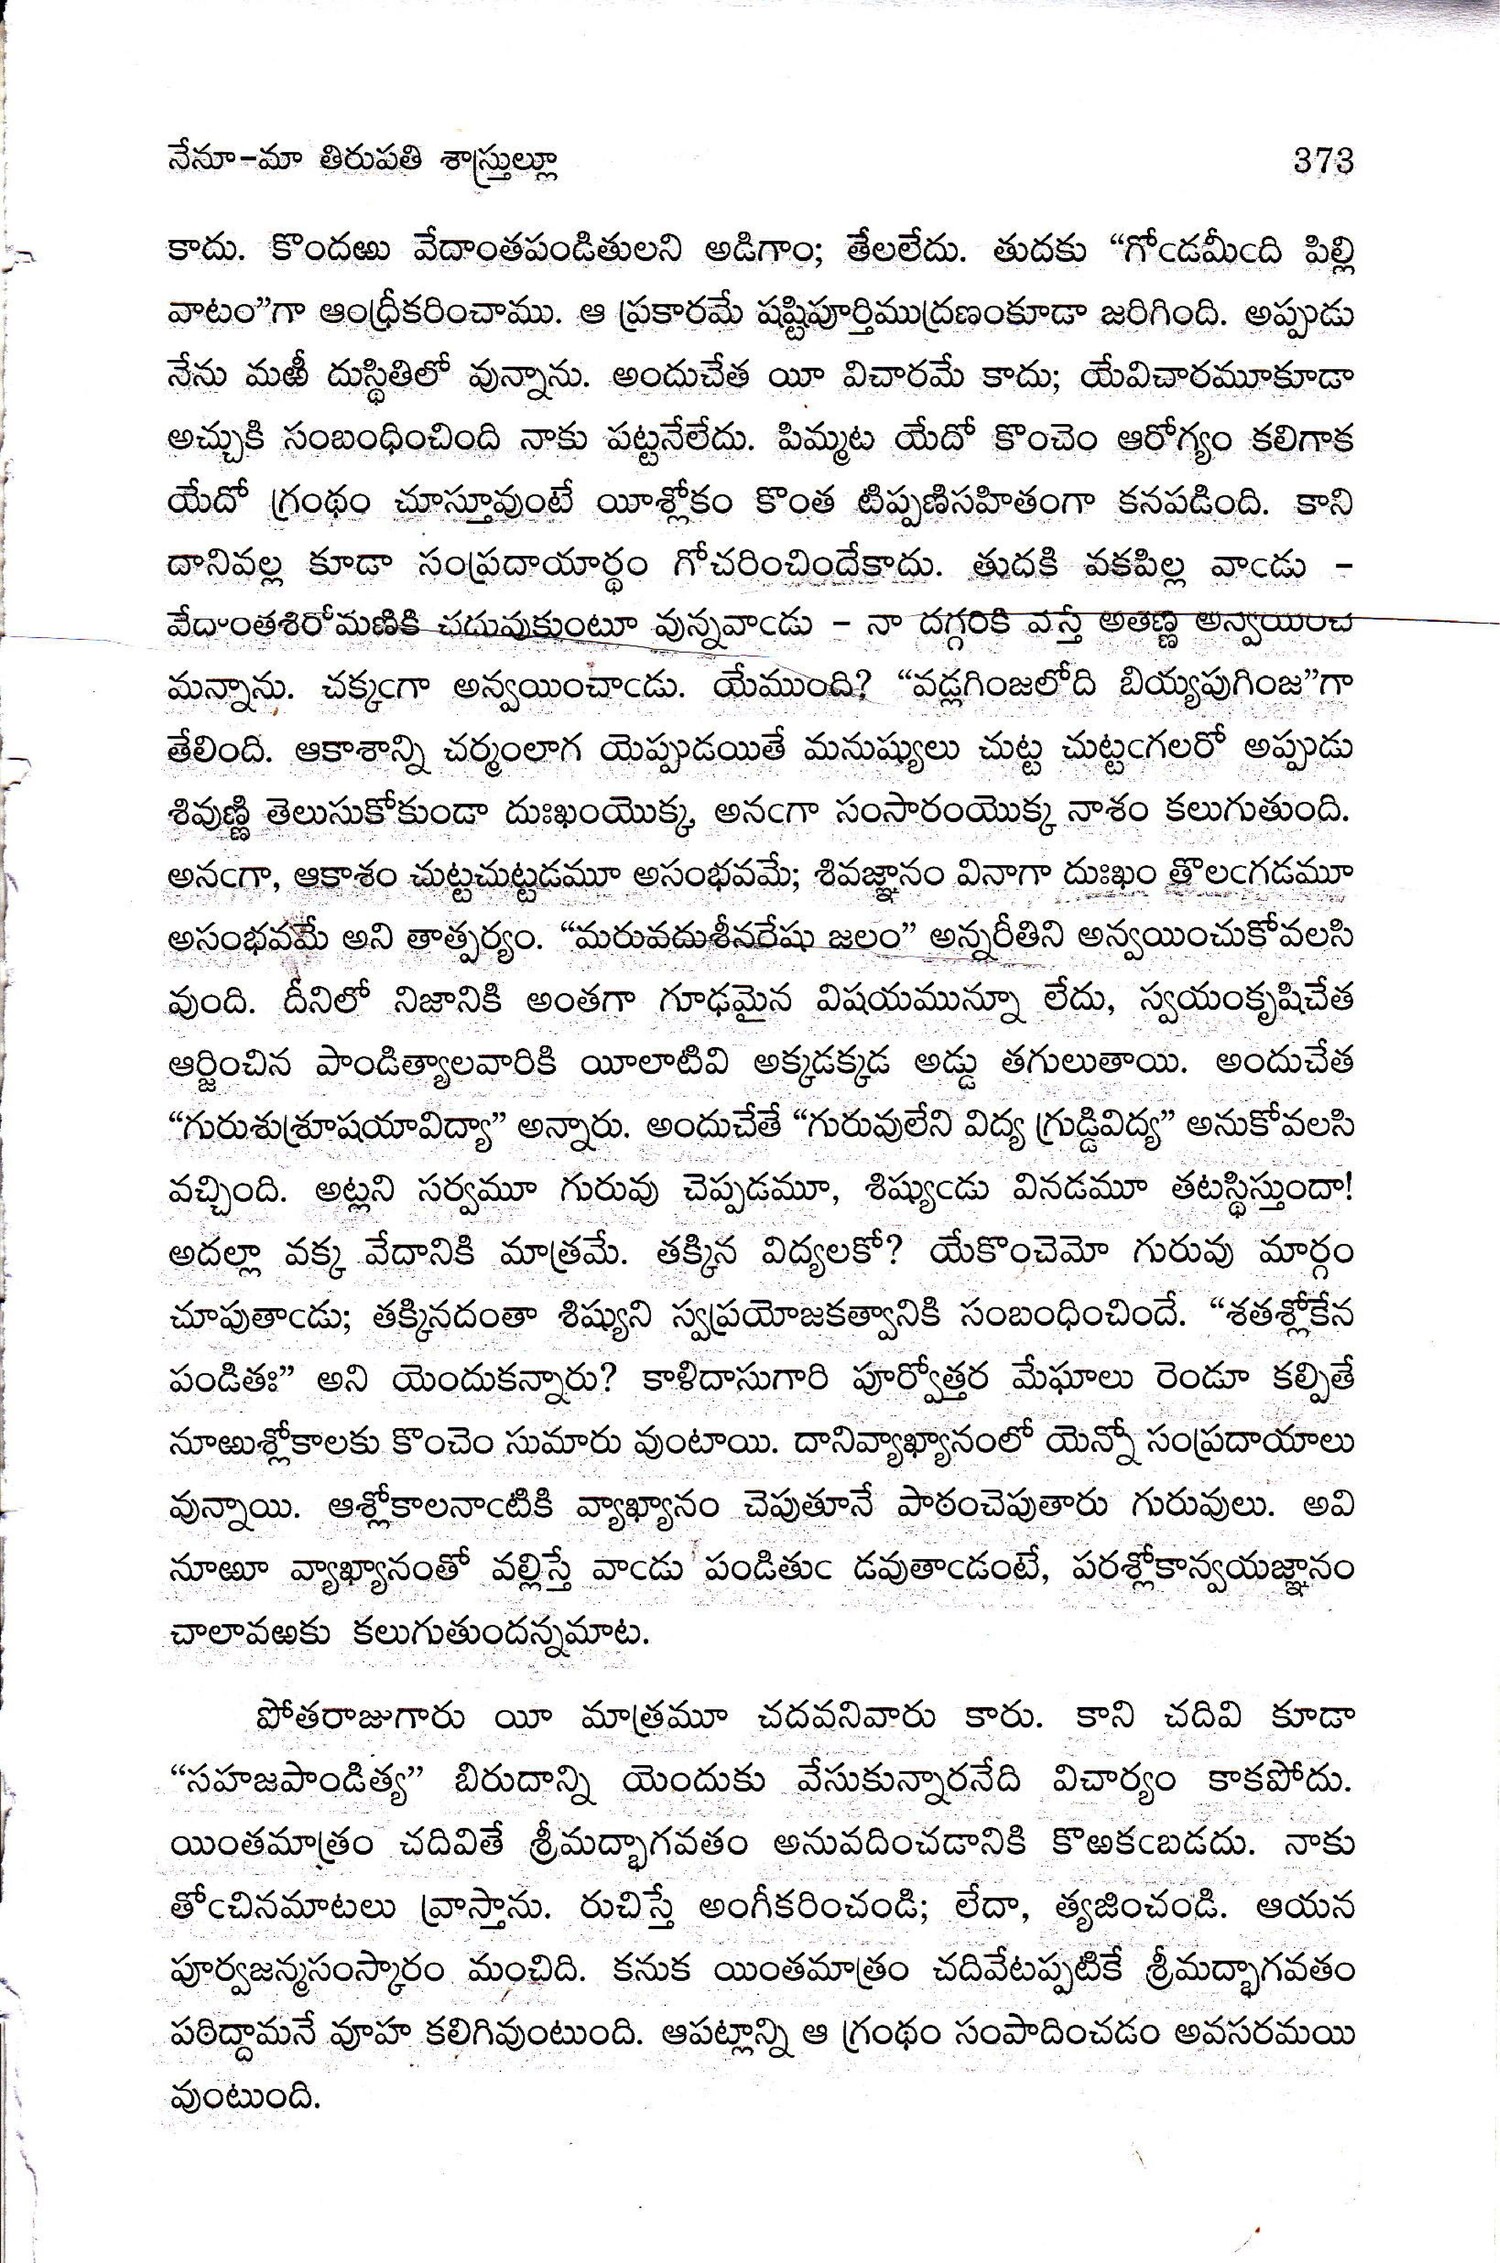కాదు. కొందఱు వేదాంతపండితులని అడిగాం; తేలలేదు. తుదకు "గోఁడమీఁది పిల్లి వాటం”గా ఆంద్రీకరించాము. ఆ ప్రకారమే షష్టిపూర్తిముద్రణంకూడా జరిగింది. అప్పుడు నేను మఱీ దుస్థితిలో వున్నాను. అందుచేత యీ విచారమే కాదు; యేవిచారమూకూడా అచ్చుకి సంబంధించింది నాకు పట్టనేలేదు. పిమ్మట యేదో కొంచెం ఆరోగ్యం కలిగాక
యేదో గ్రంథం చూస్తూవుంటే యీశ్లోకం కొంత టిప్పణిసహితంగా కనపడింది. కాని దానివల్ల కూడా సంప్రదాయార్థం గోచరించిందేకాదు. తుదకి వకపిల్ల వాఁడు - వేదాంతశిరోమణికి చదువుకుంటూ వున్నవాఁడు - నా దగ్గరికి వస్తే అతణ్ణి అన్వయించమన్నాను. చక్కఁగా అన్వయించాఁడు. యేముంది? “వడ్లగింజలోది బియ్యపుగింజ”గా తేలింది. ఆకాశాన్ని చర్మంలాగ యెప్పుడయితే మనుష్యులు చుట్ట చుట్టఁగలరో అప్పుడు శివుణ్ణి తెలుసుకోకుండా దుఃఖం యొక్క అనఁగా సంసారం యొక్క నాశం కలుగుతుంది. అనఁగా, ఆకాశం చుట్టచుట్టడమూ అసంభవమే; శివజ్ఞానం వినాగా దుఃఖం తొలఁగడమూ అసంభవమే అని తాత్పర్యం. “మరువదుశీనరేషు జలం” అన్నరీతిని అన్వయించుకోవలసి వుంది. దీనిలో నిజానికి అంతగా గూఢమైన విషయమున్నూ లేదు, స్వయంకృషిచేత ఆర్జించిన పాండిత్యాలవారికి యీలాటివి అక్కడక్కడ అడ్డు తగులుతాయి. అందుచేత “గురుశుశ్రూషయావిద్యా” అన్నారు. అందుచేతే “గురువులేని విద్య గ్రుడ్డివిద్య” అనుకోవలసి వచ్చింది. అట్లని సర్వమూ గురువు చెప్పడమూ, శిష్యుఁడు వినడమూ తటస్థిస్తుందా! అదల్లా వక్క వేదానికి మాత్రమే. తక్కిన విద్యలకో? యేకొంచెమో గురువు మార్గం చూపుతాఁడు; తక్కినదంతా శిష్యుని స్వప్రయోజకత్వానికి సంబంధించిందే. “శతశ్లోకేన పండితః” అని యెందుకన్నారు? కాళిదాసుగారి పూర్వోత్తర మేఘాలు రెండూ కల్పితే నూఱుశ్లోకాలకు కొంచెం సుమారు వుంటాయి. దాని వ్యాఖ్యానంలో యెన్నో సంప్రదాయాలు వున్నాయి. ఆశ్లోకాలనాఁటికి వ్యాఖ్యానం చెపుతూనే పాఠంచెపుతారు గురువులు. అవి నూఱూ వ్యాఖ్యానంతో వల్లిస్తే వాఁడు పండితుఁ డవుతాఁడంటే, పరశ్లోకాన్వయజ్ఞానం చాలావఱకు కలుగుతుందన్నమాట.

పోతరాజుగారు యీ మాత్రమూ చదవనివారు కారు. కాని చదివి కూడా “సహజపాండిత్య” బిరుదాన్ని యెందుకు వేసుకున్నారనేది విచార్యం కాకపోదు. యింతమాత్రం చదివితే శ్రీమద్భాగవతం అనువదించడానికి కొఱకఁబడదు. నాకు తోఁచినమాటలు వ్రాస్తాను. రుచిస్తే అంగీకరించండి; లేదా, త్యజించండి. ఆయన పూర్వజన్మసంస్కారం మంచిది. కనుక యింతమాత్రం చదివేటప్పటికే శ్రీమద్భాగవతం పఠిద్దామనే వూహ కలిగివుంటుంది. ఆపట్లాన్ని ఆ గ్రంథం సంపాదించడం అవసరమయి వుంటుంది.